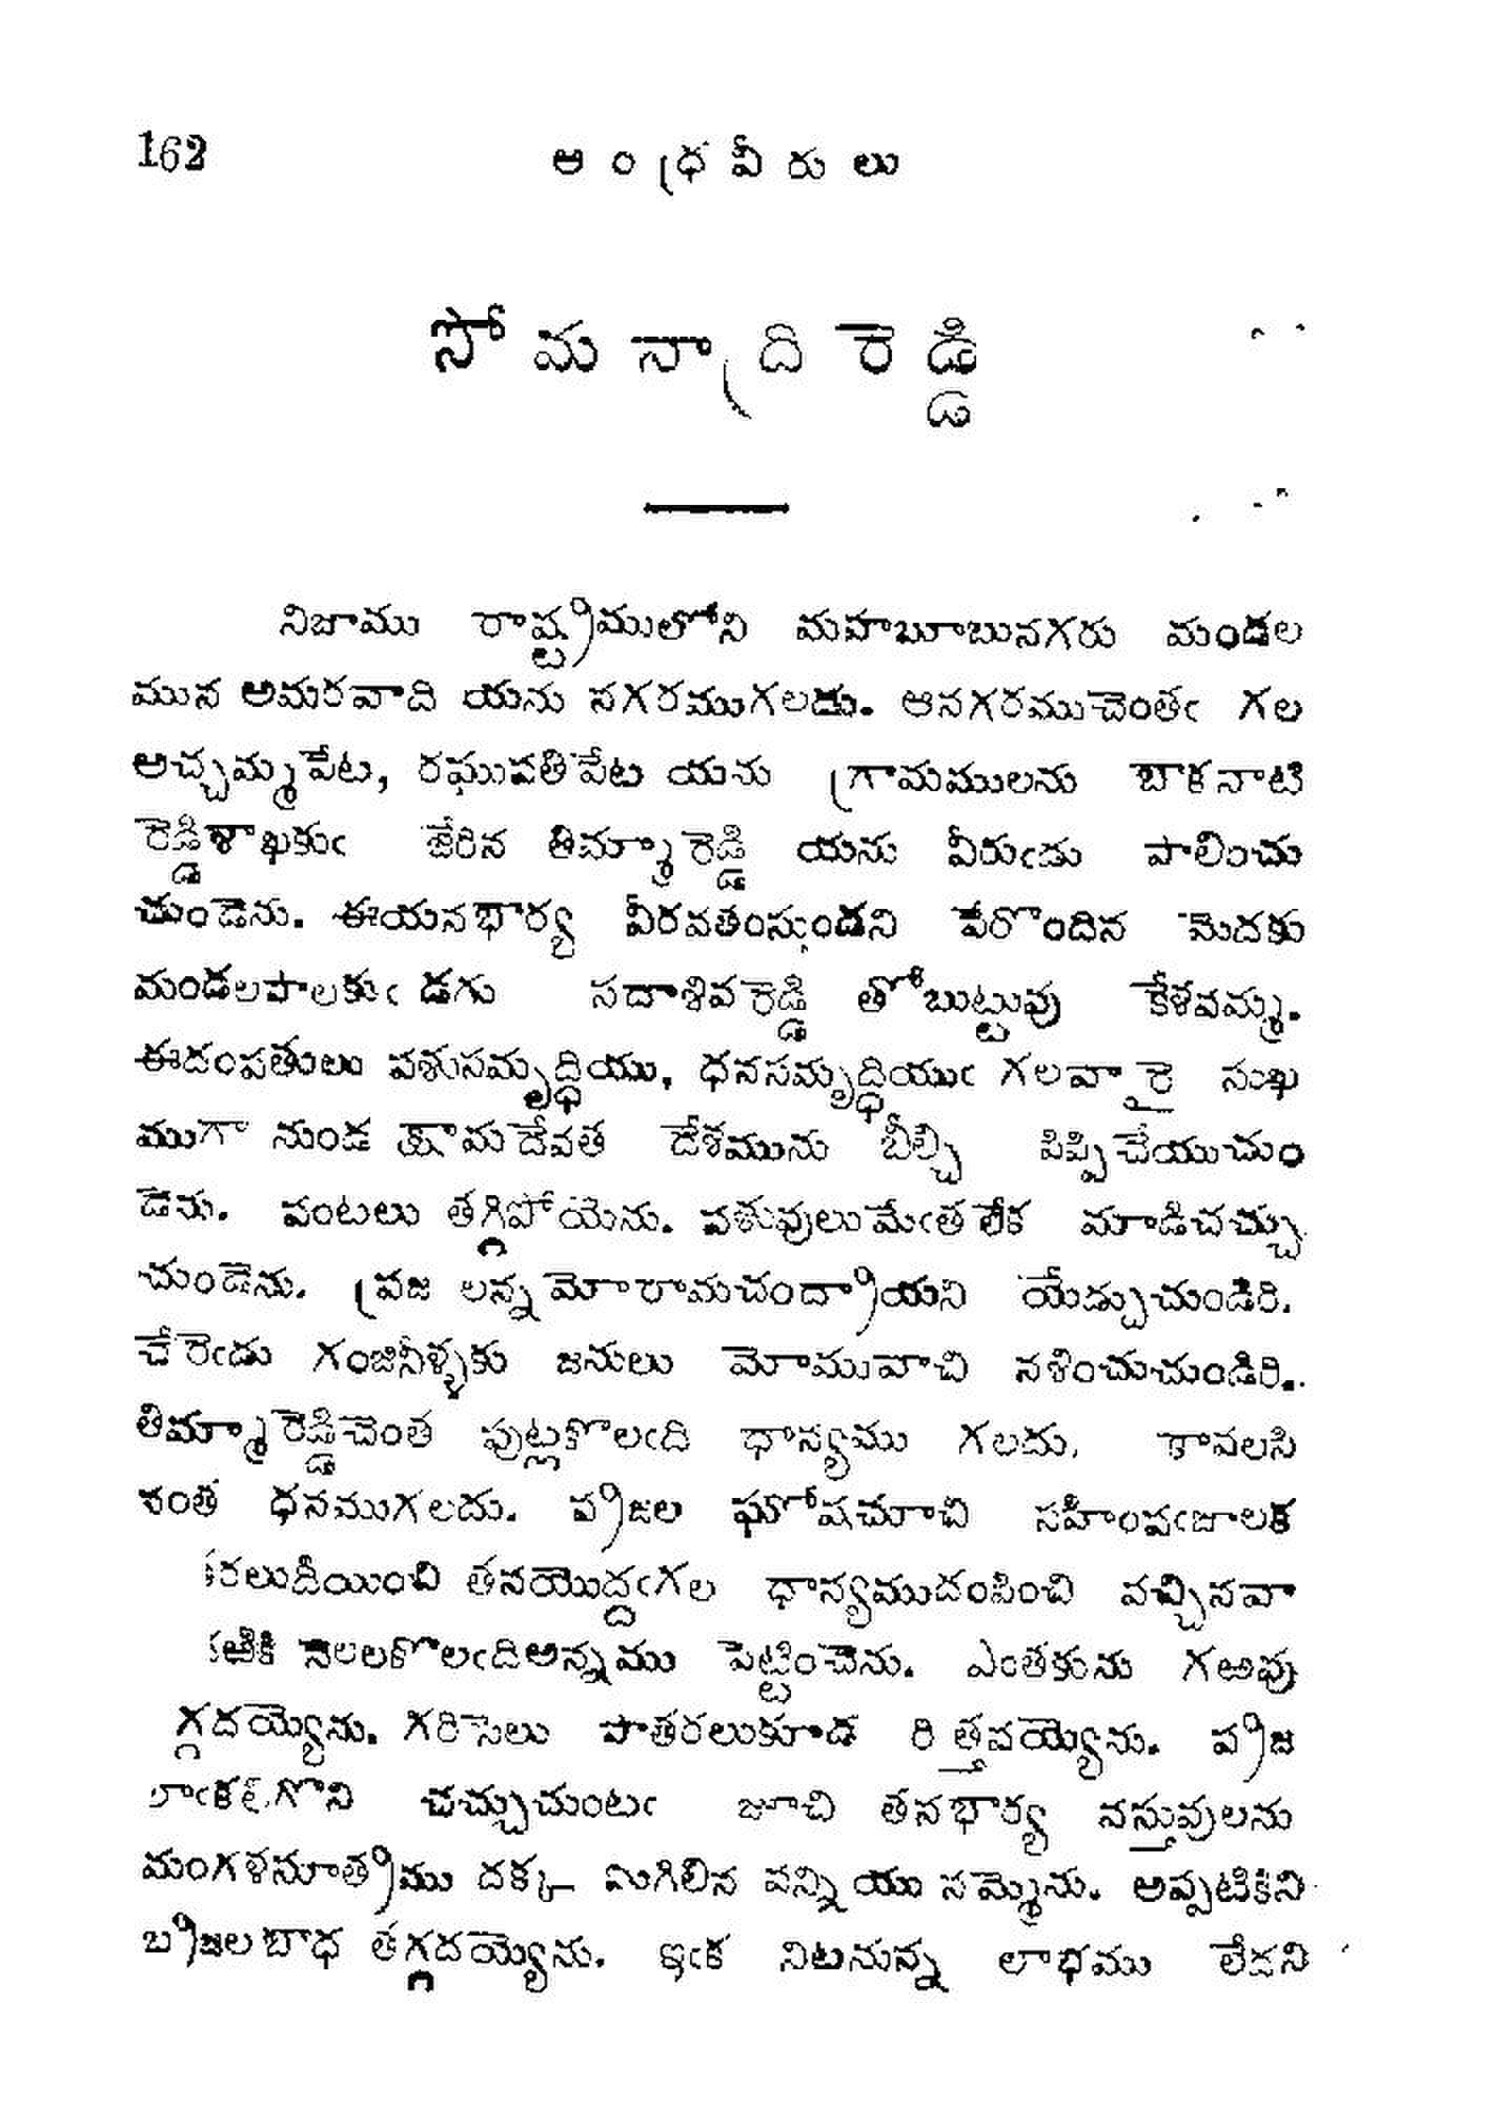నిజాము రాష్ట్రములోని మహబూబునగరు మండలమున అమరవాది యను నగరముగలదు. ఆనగరముచెంత గల అచ్చమ్మపేట, రఘుపతిపేట యను గ్రామములను బాకనాటి రెడ్డిశాఖకు జేరిన తిమ్మారెడ్డి యను వీరుడు పాలించుచుండెను. ఈయనభార్య వీరవతంసుండని పేరొందిన మెదకు మండలపాలకు డగు సదాశివరెడ్డి తోబుట్టువు కేశవమ్మ. ఈదంపతులు పశుసమృద్ధియు, ధనసమృద్ధియు గలవారై సుఖముగా నుండ క్షామదేవత దేశమును బీల్చి పిప్పిచేయుచుండెను. పంటలు తగ్గిపోయెను. పశువులుమేతలేక మాడిచచ్చు చుండెను. ప్రజ లన్నమోరామచంద్రాయని యేడ్చుచుండిరి. చేరెడు గంజినీళ్ళకు జనులు మోమువాచి నశించుచుండిరి. తిమ్మారెడ్డిచెంత పుట్లకొలది ధాన్యము గలదు. కావలసినంత ధనముగలదు. ప్రజల ఘోషచూచి సహింపజాలక పాతరలుదీయించి తనయొద్దగల ధాన్యముదంపించి వచ్చినవారందఱికి నెలలకొలది అన్నము పెట్టించెను. ఎంతకును గఱవు తగ్గదయ్యెను. గరిసెలు పాతరలుకూడ రిత్తవయ్యెను. ప్రజలాకలిగొని చచ్చుచుంట జూచి తనభార్య వస్తువులను మంగళసూత్రము దక్క మిగిలిన వన్నియు నమ్మెను. అప్పటికిని బ్రజలబాధ తగ్గదయ్యెను. ఇక నిటనున్న లాభము లేదని